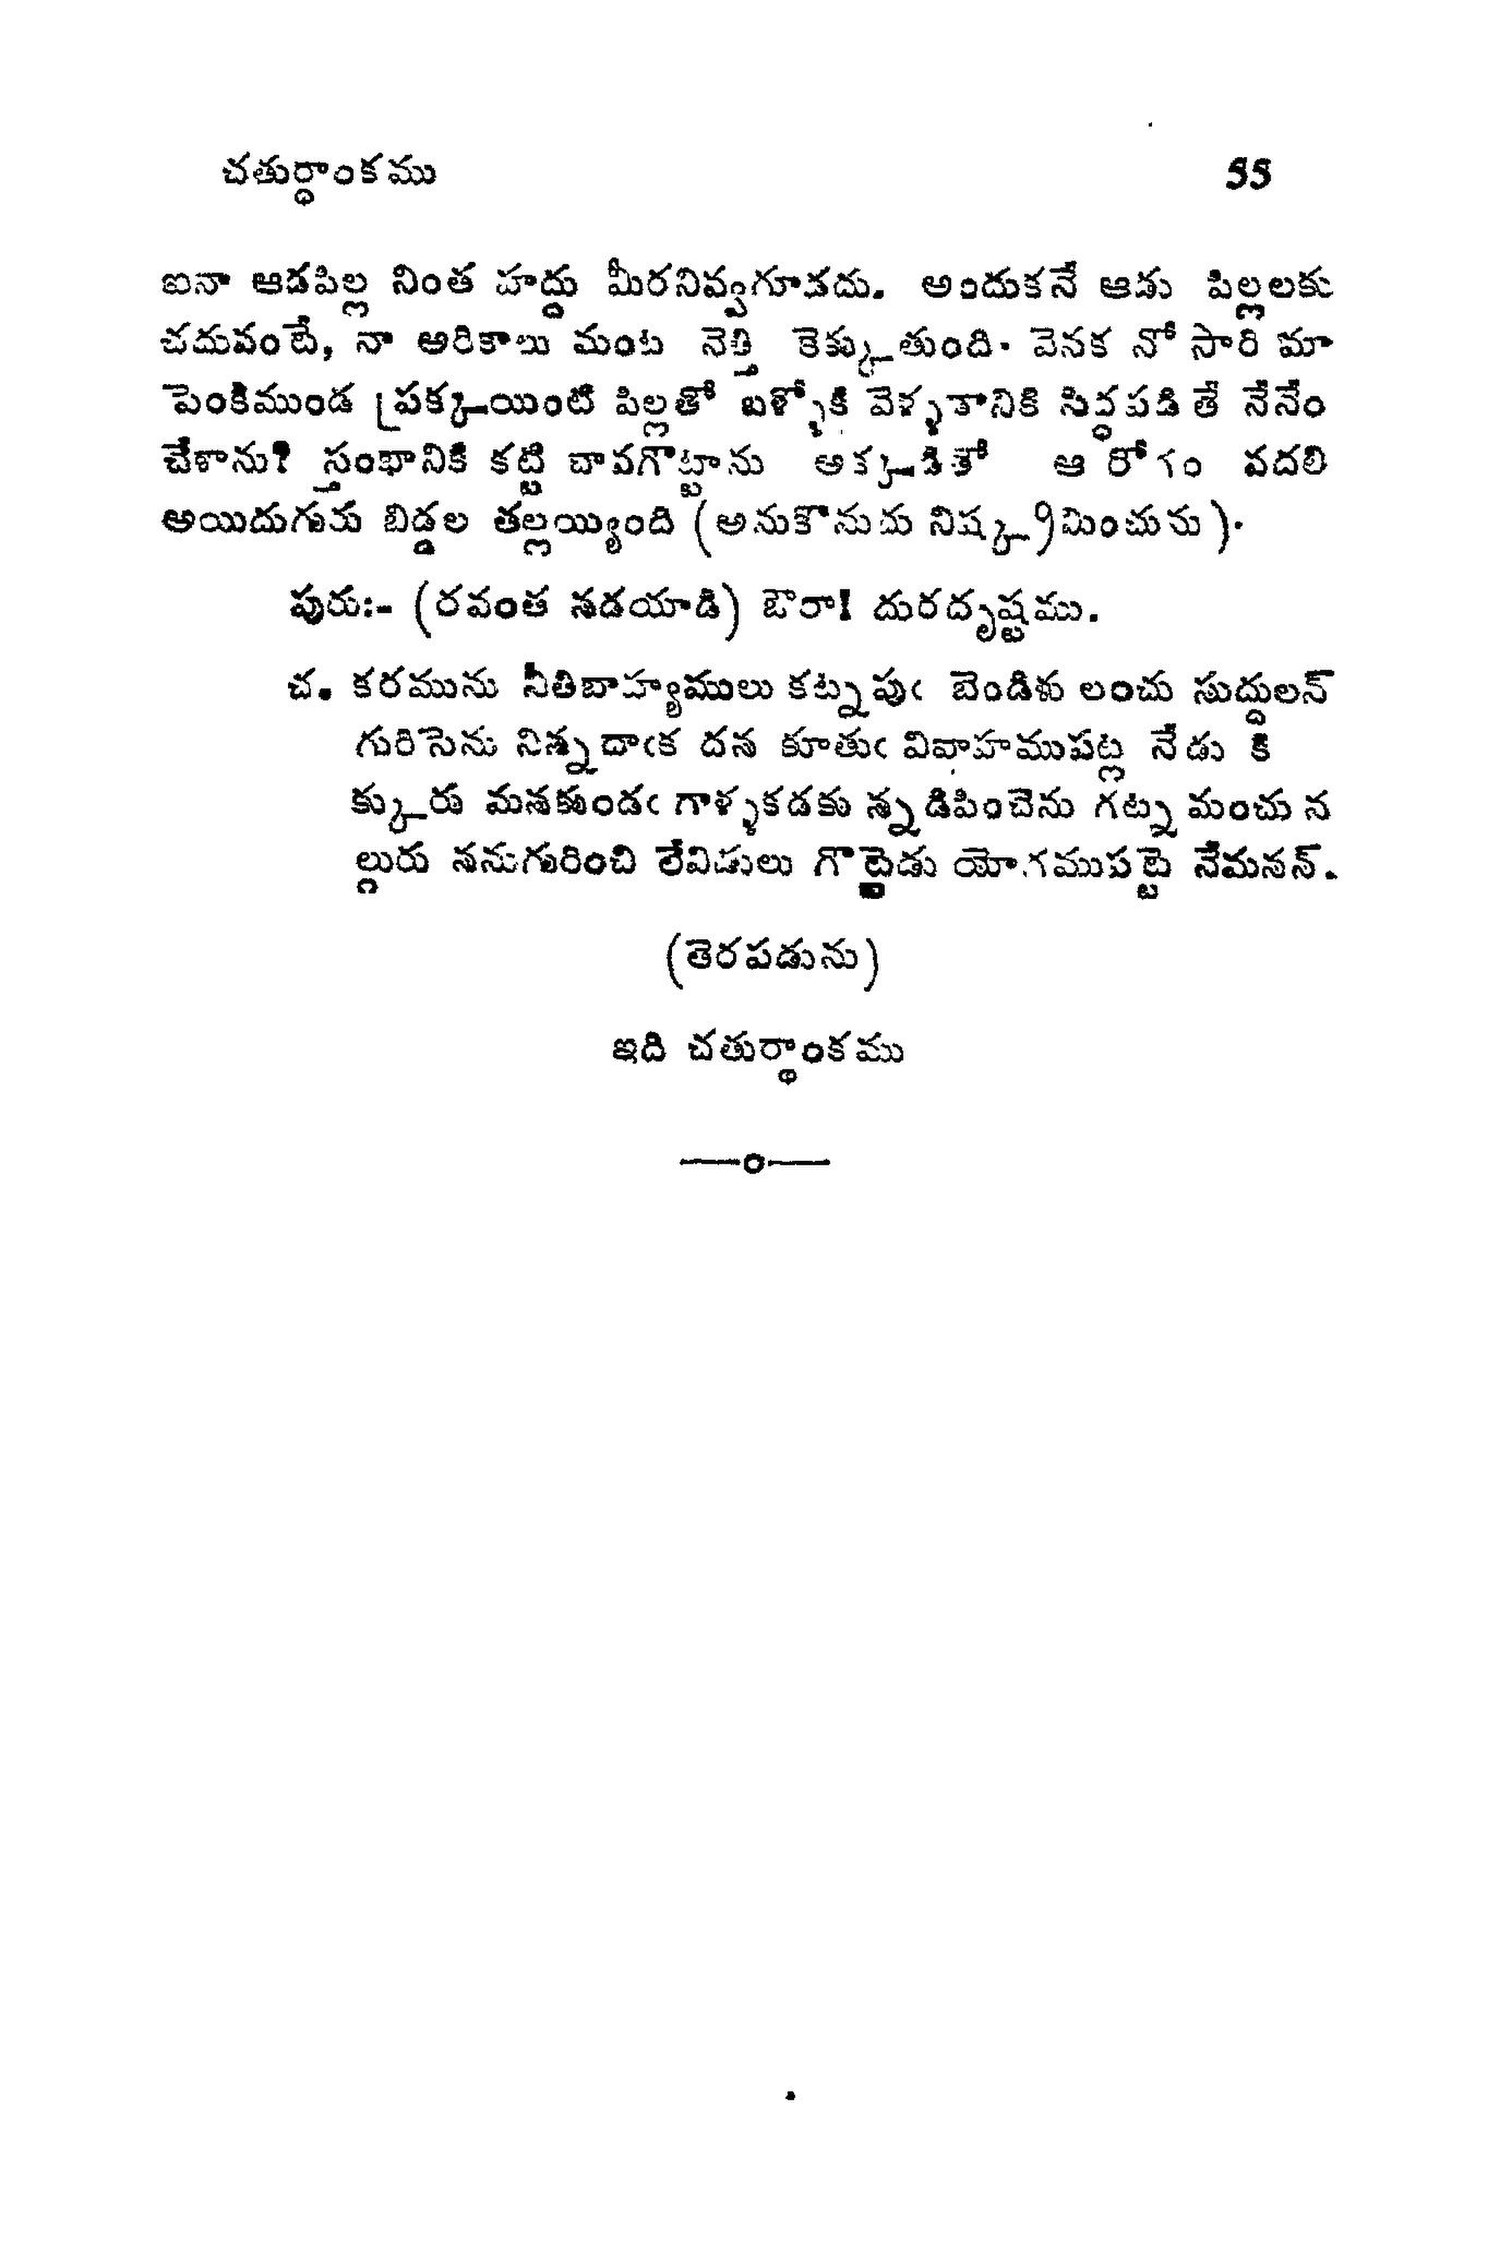ఐనా ఆడపిల్ల నింత హద్దు మీరనివ్వగూడదు. అందుకనే ఆడు పిల్లలకు చదువంటే, నా అరికాలు మంట నెత్తి కెక్కుతుంది. వెనక నో సారి మా పెంకిముండ ప్రక్కయింటి పిల్లతో బళ్ళోకి వెళ్ళడానికి సిద్ధపడితే నేనేం చేశాను? స్తంభానికి కట్టి చావగొట్టాను అక్కడితో ఆరోగం వదలి అయిదుగురు బిడ్డల తల్లయ్యింది. (అనుకొనుచు నిష్క్రమించును.)

పురు :- (రవంత నడయాడి) ఔరా! దురదృష్టము.

చ. కరమును నీతిబాహ్యములు కట్నపుఁ బెండిళు లంచు సుద్దులన్
 గురిసెను నిన్నదాఁక, దన కూతుఁ వివాహముపట్ల నేడు కి
 క్కురు మనకుండఁ గాళ్ళకడకున్నడిపించెను గట్న మంచు న
 ల్గురు ననుగురించి లేవిడులు గొట్టెడు యోగముపట్టె నేమనన్‌.